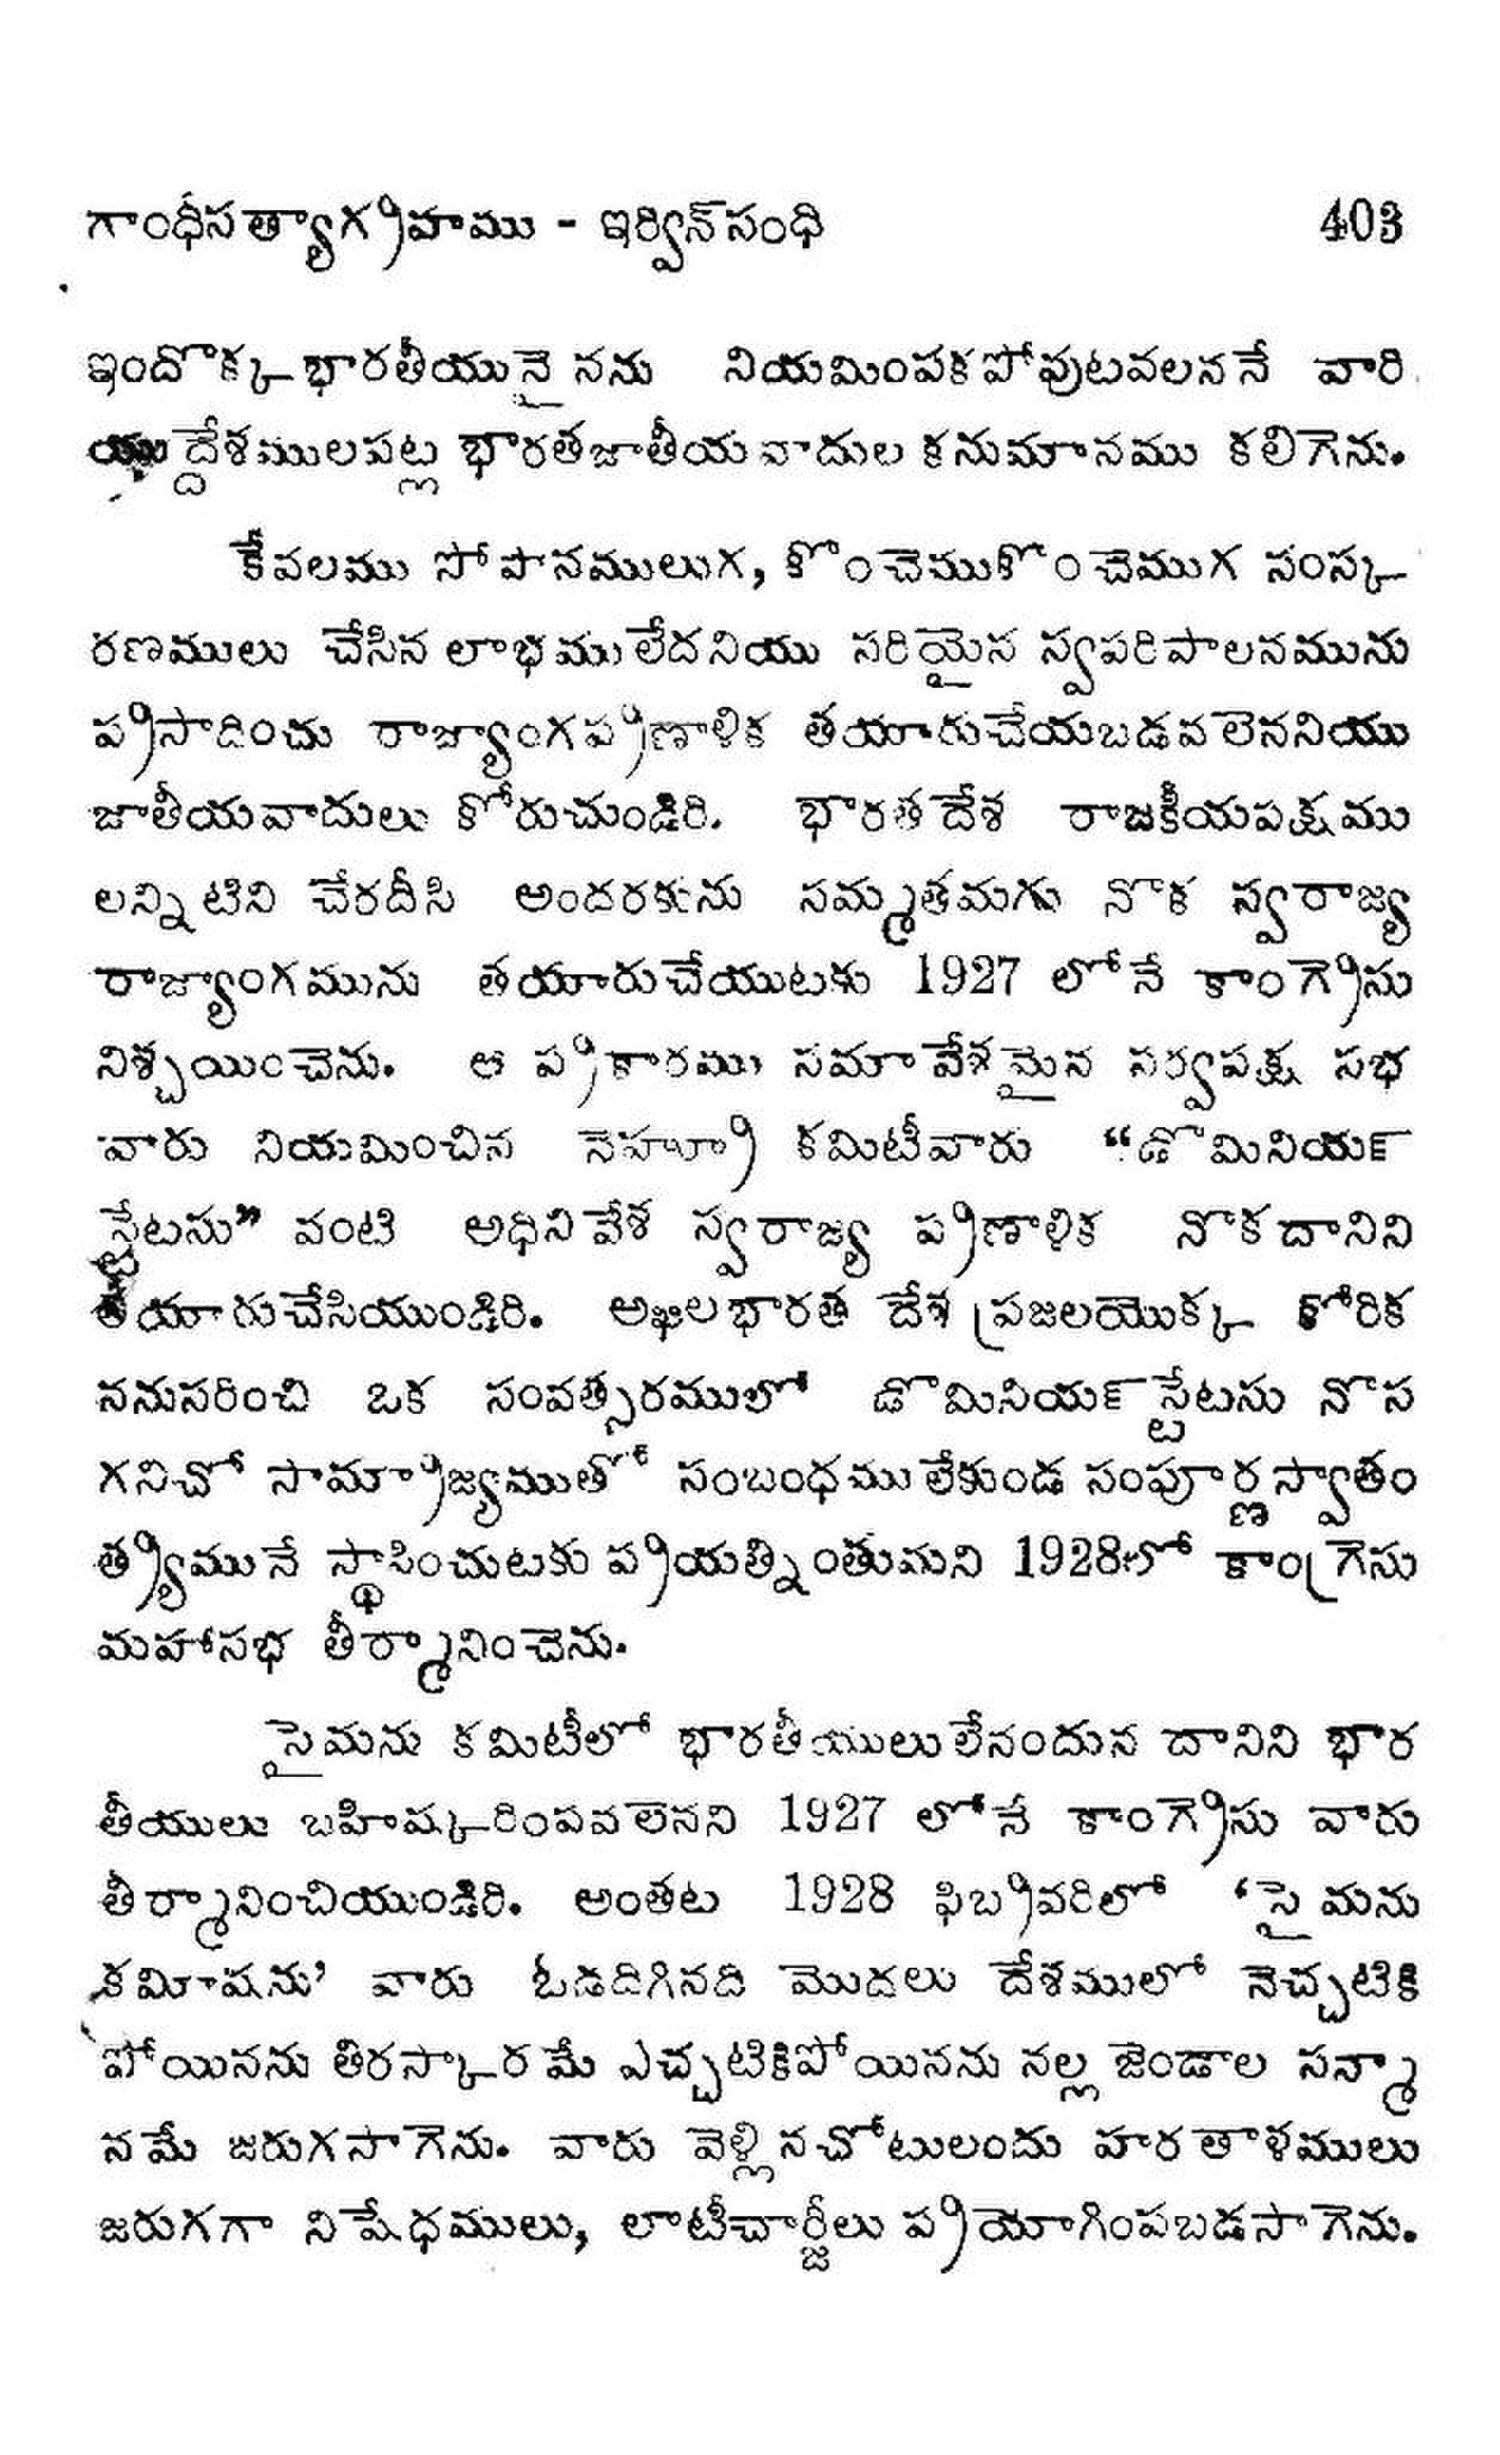ఇందొక్క భారతీయునైనను నియమింపకపోవుటవలననే వారి యుద్దేశములపట్ల భారతజాతీయవాదుల కనుమానము కలిగెను.

కేవలము సోపానములుగ, కొంచెముకొంచెముగ సంస్కరణములు చేసిన లాభములేదనియు సరియైన స్వపరిపాలనమును ప్రసాదించు రాజ్యాంగప్రణాళిక తయారుచేయబడవలెననియు జాతీయవాదులు కోరుచుండిరి. భారతదేశ రాజకీయపక్షము లన్నిటిని చేరదీసి అందరకును సమ్మతమగు నొక స్వరాజ్య రాజ్యాంగమును తయారుచేయుటకు 1927 లోనే కాంగ్రెసు నిశ్చయించెను. ఆ ప్రకారము సమావేశమైన సర్వపక్ష సభవారు నియమించిన నెహ్రూ కమిటీవారు "డొమినియ౯ స్టేటసు" వంటి అధినివేశ స్వరాజ్య ప్రణాళిక నొకదానిని తయారుచేసియుండిరి. అఖిలభారత దేశప్రజలయొక్క కోరిక ననుసరించి ఒక సంవత్సరములో డొమినియ౯ స్టేటసు నొసగనిచో సామ్రాజ్యముతో సంబంధము లేకుండ సంపూర్ణస్వాతంత్ర్యమునే స్థాపించుటకు ప్రయత్నింతుమని 1928లో కాంగ్రెసు మహాసభ తీర్మానించెను.

సైమను కమిటీలో భారతీయులులేనందున దానిని భారతీయులు బహిష్కరింపవలెనని 1927 లోనే కాంగ్రెసు వారు తీర్మానించియుండిరి. అంతట 1928 ఫిబ్రవరిలో 'సైమను కమిషను' వారు ఓడదిగినది మొదలు దేశములో నెచ్చటికి పోయినను తిరస్కారమే ఎచ్చటికిపోయినను నల్లజెండాల సన్మానమే జరుగసాగెను. వారు వెళ్లినచోటులందు హరతాళములు జరుగగా నిషేధములు, లాటీచార్జీలు ప్రయోగింపబడసాగెను.